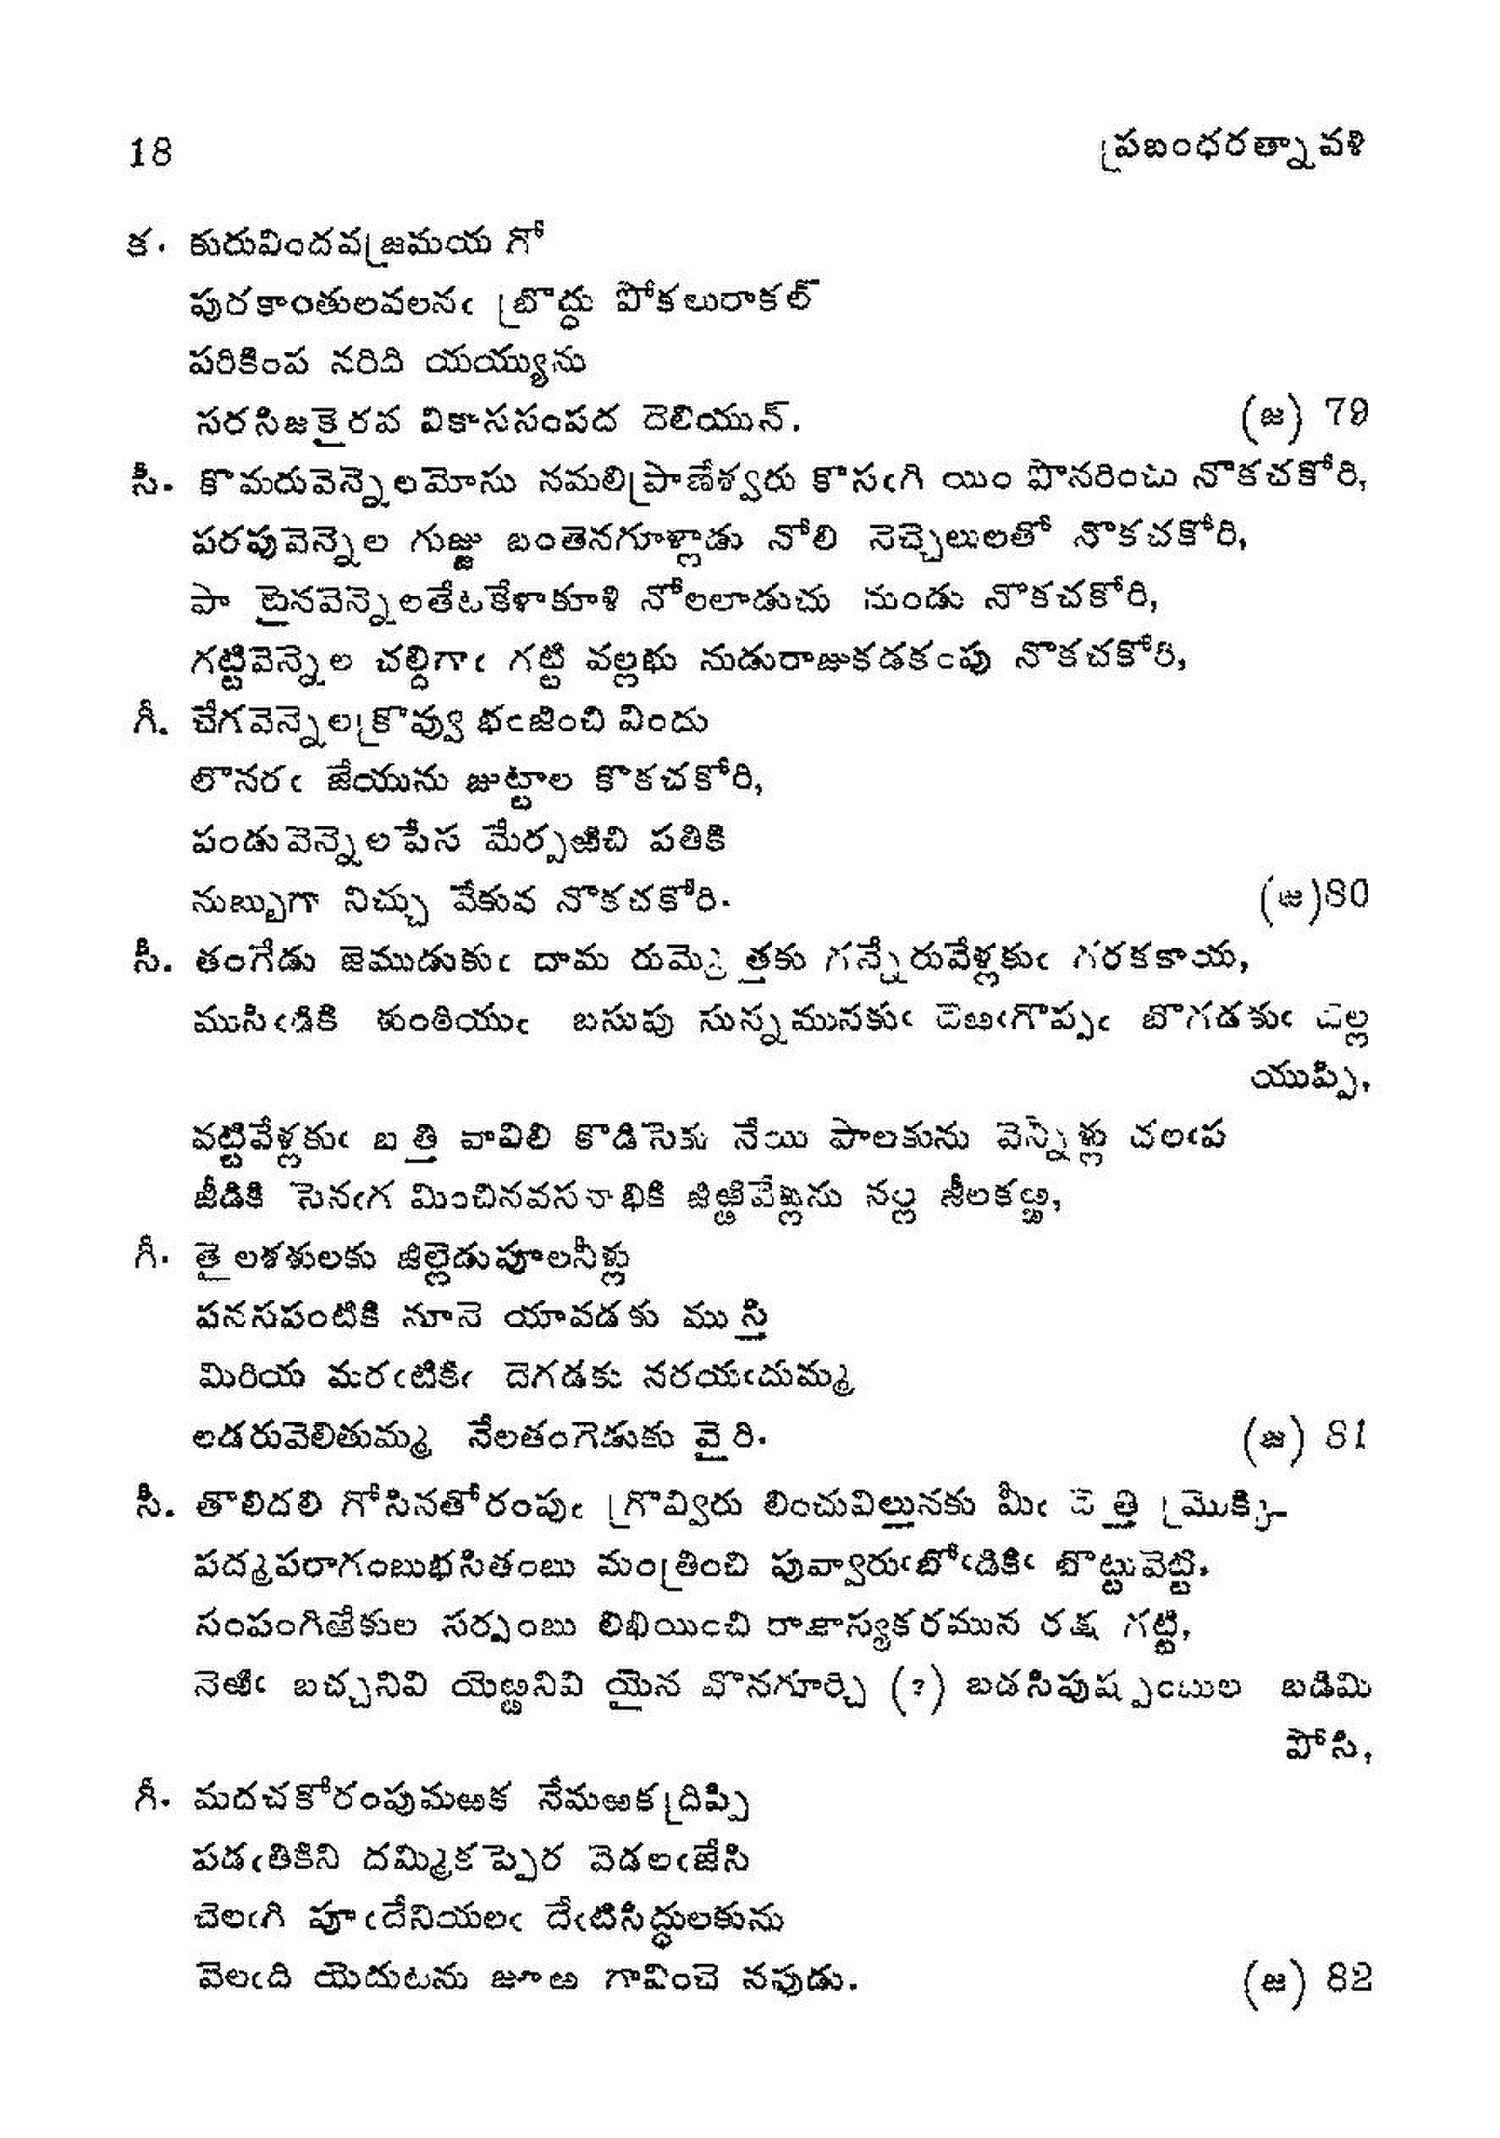క. కురువిందవజ్రమయ గో
పురకాంతులవలనఁ బ్రొద్దు పోకలురాకల్
పరికింప నరిది యయ్యును
సరసిజకైరవవికాససంపద దెలియన్. (జ) 79

సీ. కొమరువెన్నెలమోసు నమలి ప్రాణేశ్వరు కొసఁగి యిం పొనరించు నొకచకోరి,
పరపువెన్నెల గుజ్జు బంతెనగూళ్ళాడు నోలి నెచ్చెలులతో నొకచకోరి,
పా టైనవెన్నెలతేఁటకేళాకూళి నోలలాడుచు నుండు నొకచకోరి,
గట్టివెన్నెల చల్దిగాఁ గట్టి వల్లభు నుడురాజు కడ కంపు నొకచకోరి,
తే. చేగవెన్నెలక్రొవ్వు భంజించి విందు
లొనరఁజేయును జుట్టాల కొకచకోరి
పండువెన్నెలపేస మేర్పఱిచి పతికి
నుబ్బుగా నిచ్చు వేడుక నొక చకోరి. (జ) 80

సీ. తంగేడు జెముడుకుఁ దామ రుమ్మెత్తకు గన్నేరువేళ్ళకుఁ గరకకాయ,
ముసిఁడికి శుంఠియుఁ బసుపు సున్నమునకుఁ దెఱఁగొప్పఁ బొగడకుఁ దెల్లయుప్పి,
వట్టివేళ్ళకుఁ బత్తి వావిలి కొడిసెకు నేయి పాలకును వేన్నీళ్ళు దలఁప,
జీడికి సెనఁగ మించిన వసనాభికి జిఱ్ఱివేళ్ళును నల్లజీలకఱ్ఱ,
తే. తైలశశులకు జిల్లేడుపూలనీళ్ళు
పనసపంటికి నూనె యావడకు ముస్తి
మిరియ మరఁటికిఁ దెగడకు నరయఁ దుమ్మ
లడరు వెలితుమ్మ నేలతంగెడుకు వైరి. (జ) 81

సీ. తొలిదలి గోసినతోరంపుఁ గ్రొవ్విరు లించు విల్తునికి మీఁ దెత్తి మ్రొక్కి,
పద్మపరాగంబుభసితంబు మంత్రించి పువ్వారుఁబోఁడికిఁ బొట్టు వెట్టి,
సంపంగిఱేకుల సర్పంబు లిఖియించి రాజాస్యకరమున రక్ష గట్టి,
నెఱిఁ బచ్చనివి యెఱ్ఱనివి యైన వొనగూర్చి [?]బడిసి పుష్పంబుల బడిమి పోసి,
తే. మదచకోరంపుమఱక నేమఱక ద్రిప్పి
పడఁతికిని దమ్మికప్పెర వెడలఁజేసి
చెలఁగి పూఁదేనియలఁ దేఁటిసిద్ధులకును
వెలఁది యెదుటను జూఱ గావించె నపుడు. (జ) 82